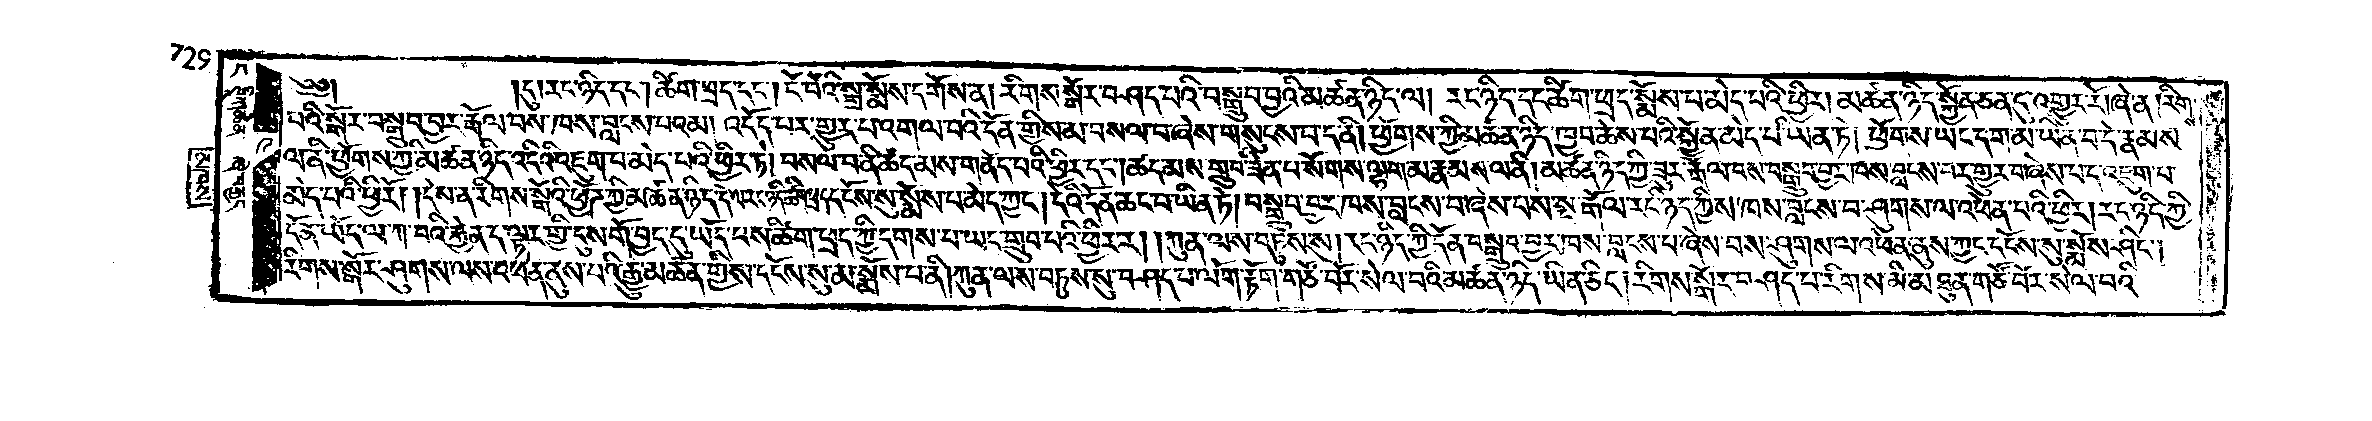༄༅། །དུ། རང་ཉིད་དང་། ཚིག་ཕྲད་དང་། ངོ་བོའི་སྒྲ་སྨོས་དགོས་ན། རིགས་སྒོར་བཤད་པའི་བསྒྲུབ་བྱའི་མཚན་ཉིད་ལ། རང་ཉིད་དང་ཚིག་ཕྲད་སྨོས་པ་མེད་པའི་ཕྱིར། མཚན་ཉིད་སྐྱོན་ཅན་དུ་འགྱུར་རོ། ཞེ་ན། རིགས་
པའི་སྒོར་བསྒྲུབ་བྱར་རྒོལ་བས་ཁས་བླངས་པའམ། འདོད་པར་གྱུར་པ་འགལ་བའི་དོན་གྱིས་མ་བསལ་བ་ཞེས་གསུངས་བ་དེ་ནི། ཕྱོགས་ཀྱི་མཚན་ཉིད་ཁྱབ་ཆེས་པའི་སྐྱོན་མེད་པ་ཡིན་ཏེ། ཕྱོགས་ཡང་དག་མ་ཡིན་པ་དེ་རྣམས་
ལ་ནི་ཕྱོགས་ཀྱི་མཚན་ཉིད་འདིའི་འཇུག་པ་མེད་པའི་ཕྱིར་ཏེ། བསལ་བ་ནི་ཚད་མས་གནོད་པའི་ཕྱིར་དང་། ཚད་མས་གྲུབ་ཟིན་པ་སོགས་ལྷག་མ་རྣམས་ལ་ནི། མཚན་ཉིད་ཀྱི་ཟུར་རྒོལ་བས་བསྒྲུབ་བྱར་ཁས་བླངས་པར་གྱུར་བ་ཞེས་པ་དེ་འཇུག་པ་
མེད་པའི་ཕྱིར་རོ། །དེས་ན་རིགས་སྒོའི་ཕྱོགས་ཀྱི་མཚན་ཉིད་དེ་ལ་རང་ཉིད་ཚིག་ཕྲད་དངོས་སུ་སྨོས་པ་མེད་ཀྱང་། དེའི་དོན་ཆང་བ་ཡིན་ཏེ། བསྒྲུབ་བྱར་ཁས་བླངས་བ་ཞེས་པས་སྔ་རྒོལ་རང་ཉིད་ཀྱིས་ཁས་བླངས་པ་ཤུགས་ལ་འཕེན་པའི་ཕྱིར། རང་ཉིད་ཀྱི་དོན་ཡོད་ལ་ཀ་བའི་རྐྱེན་ད་ལྟར་གྱི་དུས་གོ་བྱེད་དུ་ཡོད་པས་ཚིག་ཕྲད་ཀྱི་དགོས་པ་ཡང་གྲུབ་པའི་ཕྱིར་རོ། །ཀུན་ལས་བཏུས་སུ། རང་ཉིད་ཀྱི་དོན་བསྒྲུབ་བྱར་ཁས་བླངས་པ་ཞེས་པས་ཤུགས་ལ་འཕེན་ནུས་ཀྱང་དངོས་སུ་སྨོས་ཤིང་།
རིགས་སྒོར་ཤུགས་ལས་འཕེན་ནུས་པའི་རྒྱུ་མཚན་གྱིས་དངོས་སུ་མ་སྨོས་པ་ནི། ཀུན་ལས་བཏུས་སུ་བཤད་པ་ལོག་རྟོག་གཙོ་བོར་སེལ་བའི་མཚན་ཉིད་ཡིན་ཅིང་། རིགས་སྒོར་བཤད་པ་རིགས་མི་མཐུན་གཙོ་བོར་སེལ་བའི་